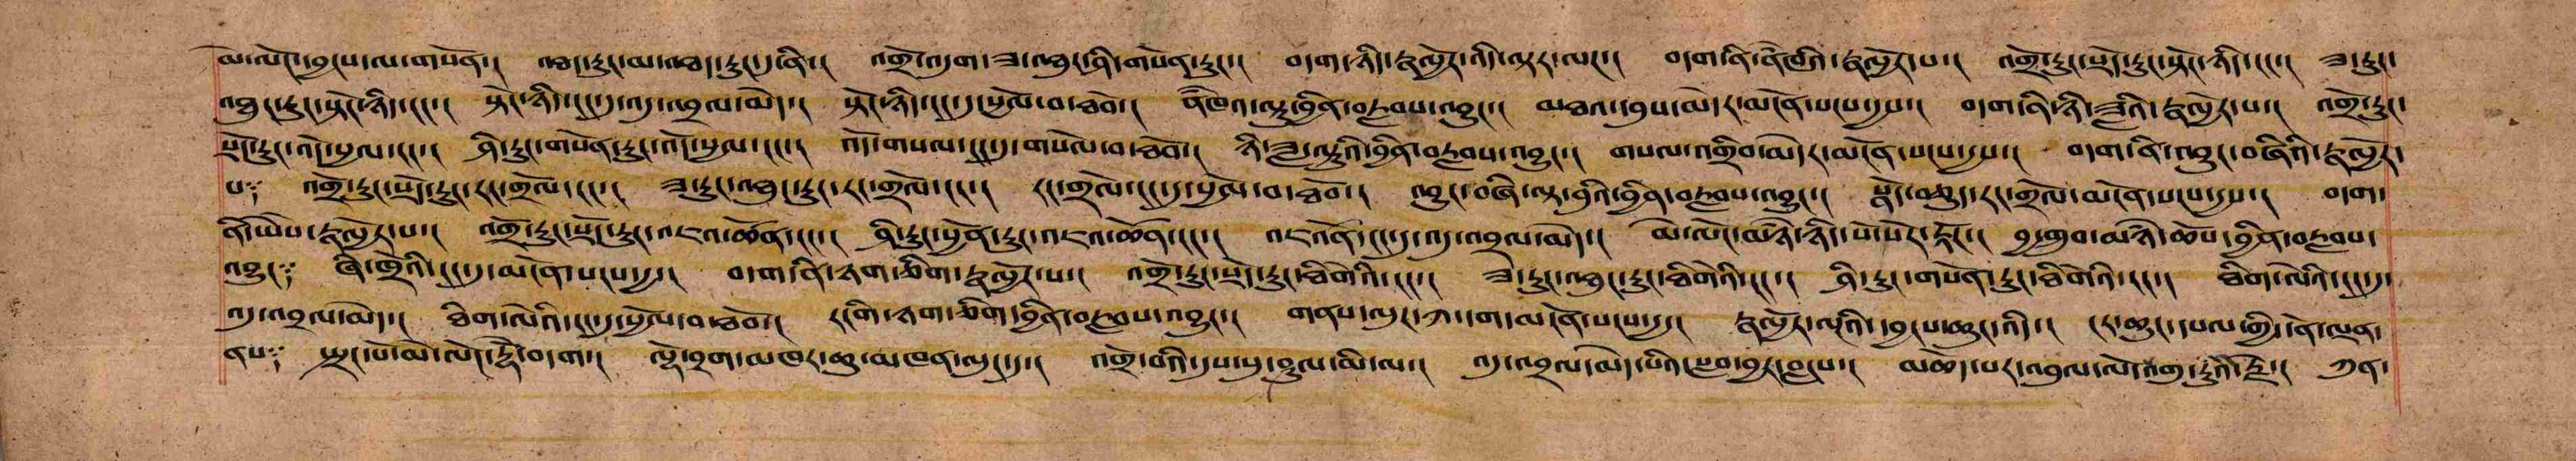མེ་ལོང་དབྱངས་ལ་གསོན། འཐད་རུང་མ་འཐད་རུང་དུ་ནི། འགྲོ་འདུག་ཟ་འཐུང་ཤི་གསོན་རུང་། བདག་ཉིད་རྣལ་འབྱོར་འདི་ལྟར་ལགས། བདག་ནི་ནམ་མཁའི་རྣལ་འབྱོར་པ། འགྲོ་རུང་སྡོད་རུང་སྟོང་ཉིད་ངང་། ཟ་རུང་
མཐུང་རུང་སྟོང་ཉིད་ངང་། སྟོང་ཉིད་ངང་དུ་འདུ་འབྲལ་མེད། སྟོང་ཉིད་ངང་དུ་གསོལ་བ་ཐོབ། ནམ་མཁའ་ལྟ་བུ་བྱིན་བརླབས་འབྱུང་། མཐའ་དབུས་མེད་པར་མངོན་སངས་རྒྱས། བདག་ནི་ཉི་ཟླའི་རྣལ་འབྱོར་པ། འགྲོ་རུང་
སྡོད་རུང་འོད་གསལ་ངང་། ཤི་རུང་གསོན་རུང་འོད་གསལ་ངང་། འོད་གསལ་ངང་དུ་གསོལ་བ་ཐོབ། ཉི་ཟླ་ལྟ་བུའི་བྱིན་བརླབས་འབྱུང་། གསལ་འགྲིབ་མེད་པར་མངོན་སངས་རྒྱས། བདག་ནི་འབྱུང་བཞིའི་རྣལ་འབྱོར་
པ༑ འགྲོ་རུང་སྡོད་རུང་རང་གྲོལ་ངང་། ཟ་རུང་འཐུང་རུང་རང་གྲོལ་ངང་། རང་གྲོལ་ངང་དུ་གསོལ་བ་ཐོབ། འབྱུང་བཞི་ལྟ་བུའི་བྱིན་བརླབས་འབྱུང་། སྣོད་བཅུད་རང་གྲོལ་མངོན་སོང་རྒྱས། བདག་
ནི་ཡེ་ཤེས་རྣལ་འབྱོར་པ། འགྲོ་རུང་སྡོད་རུང་འཇའ་ཚོན་དང་། ཤི་རུང་གསོན་རུང་འཇའ་ཚོན་ངང་། འཇའ་ཚོན་ངང་དུ་འདུ་འབྲལ་མེད། མེ་ལོང་མཉམ་ཉིད་སོ་སོར་རྟོགས། བྱ་གྲུབ་མཉམ་ཆོས་བྱིན་བརླབས་
འབྱུང༑ ཞི་ཁྲོའི་ངང་དུ་མངོན་སངས་རྒྱ། བདག་ནི་ཉག་ཅིག་རྣལ་འབྱོར་པ། འགྲོ་རུང་སྡོད་རུང་ཐིག་ལེའི་ངང་། ཟ་རུང་འཐུང་རུང་ཐིག་ལེའི་ངང་། ཤི་རུང་གསོན་རུང་ཐིག་ལེའི་ངང་། ཐིག་ལེའི་ངང་དུ་
འདུ་འབྲལ་མེད། ཐིག་ལེའི་ངང་དུ་གསོལ་བ་ཐོབ། རང་རིག་ཉག་ཅིག་བྱིན་བརླབས་འབྱུང་། གནས་ལུགས་ཀ་དག་མངོན་སངས་རྒྱ། རྣལ་འབྱོར་ལྔའི་དབྱངས་ཆུང་འདི། ངར་ཆུང་དཔལ་གྱི་དོན་ལྡན་
ནས༑ སྤྲང་པོ་མེ་ལོང་རྡོ་རྗེ་བདག ལྷོ་བྲག་མཁར་ཆུ་མཁན་ལུང་དུ། འགྲོ་བའི་དུས་སུ་ཤུལ་མི་ལ། འདུ་འབྲལ་མེད་པའི་སླབ་བྱར་བླངས། མཆོད་པར་འབུལ་ལོ་འགུ་རུའི་རྗེ། ཀུན་